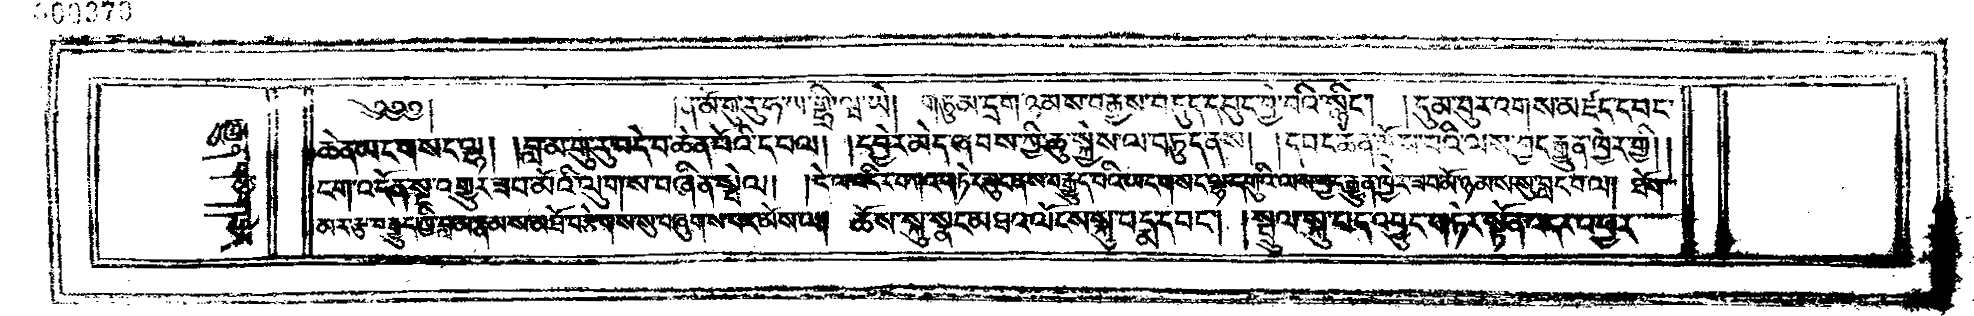༄༅༅། །ན་མོ་གུ་རུ་ཧ་ཡ་གྷྲི་ཝ་ཡེ། གཏུམ་དྲག་ཉམས་བརྒྱས་བདུད་དཔུང་བྱེ་བའི་སྙིང་། །དུམ་བུར་འགས་མཛད་དབང་
ཆེན་ཡང་གསང་ལྷ། །བླ་མ་གུ་རུ་བདེ་བ་ཆེན་པོའི་དཔལ། །དབྱེར་མེད་ཞབས་ཀྱི་ཆུ་སྐྱེས་ལ་བཏུད་ནས། །དབང་ཆེན་ཁྲོས་པའི་ལས་བྱང་རྒྱུན་ཁྱེར་གྱི། །
ངག་འདོན་སྔ་འགྱུར་ཟབ་མོའི་ལུགས་བཞིན་སྤེལ། །དེ་ལ་འདིར་བཀའ་གཏེར་ཟུང་ནས་བརྒྱུད་པའི་ཡང་གསང་ལྷ་དགུའི་ལས་བྱང་རྒྱུན་ཁྱེར་ཟབ་མོ་ཉམས་སུ་བླང་བ་ལ། ཐོག་
མར་རྩ་བརྒྱུད་ཀྱི་བླ་མ་རྣམས་མཐོ་བརྩེགས་སུ་བཞུགས་པར་མོས་ལ། ཆོས་སྐུ་སྣང་མཐའ་ལོངས་སྐུ་པདམ་དབང་། །སྤྲུལ་སྐུ་པད་འབྱུང་གཏེར་སྟོན་འདར་འཕྱར་